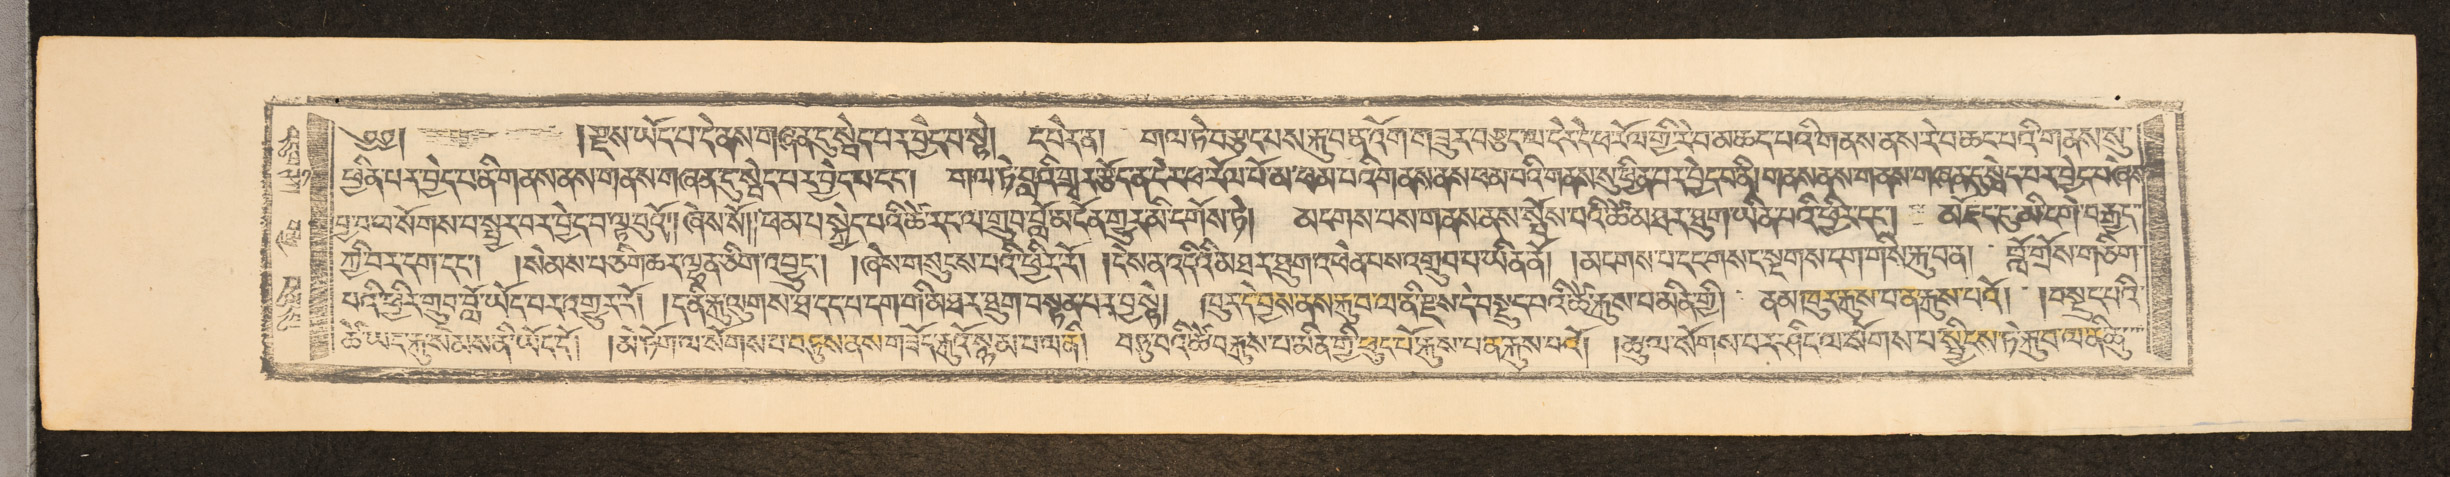༄༅། །རྫས་ཡོད་པ་དེ་ནས་གཞན་དུ་སྦེད་པར་བྱེད་པ་སྟེ། དཔེར་ན། གལ་ཏེ་བརྩད་པས་རྐུ་བ་ན་འོག་གཟུར་བརྩད་ལ་དེར་དེ་ཕ་རོལ་གྱི་རེ་བ་མ་ཆད་པའི་གནས་ནས་རེ་བ་ཆད་པའི་གནས་སུ་
ཕྱིན་པར་བྱེད་པ་ནི་གནས་ནས་གནས་གཞན་དུ་སྤེད་པར་བྱེད་པ་དང་། གལ་ཏེ་བླའི་གྲྭར་རྩོད་ན་དེར་ཕ་རོལ་པོ་མ་ཕམ་པའི་གནས་ནས་ཕམ་པའི་གནས་སུ་ཕྱིན་པར་བྱེད་པ་ནི། གནས་ནས་གནས་གཞན་དུ་སྦེད་པར་བྱེད་བ་ཞེས་
བྱ་བ་ལ་སོགས་པ་སྦྱར་བར་བྱེད་པ་ལྟ་བུའོ།། ཞེས་སོ།། ཕམ་པ་སྐྱེད་པའི་ཚེ་རང་ལ་གྲུབ་བློ་མངོན་གྱུར་མི་དགོས་ཏེ། མངགས་པས་གནས་ནས་སྤོས་པའི་ཚེ་མཐར་ཐུག་ཡིན་པའི་ཕྱིར་དང་། མཛོད་ངུ་མི་དགེ་བརྒྱད་
ཀྱི་བར་དག་དང་། །སེམས་པ་ཅིག་ཆར་ལྷན་ཅིག་འབྱུང་། །ཞེས་གསུངས་པའི་ཕྱིར་རོ། །དེས་ན་འདིའི་མཐར་ཐུག་འཕེན་པས་འགྲུབ་པ་ཡིན་ནོ། །མངགས་པ་དང་གསང་སྔགས་དག་གིས་རྐུ་བ་ན། བློ་གྲོས་གཅིག་
པའི་ཕྱིར་གྲུབ་བློ་ཡོད་པར་འགྱུར་རོ། །ད་ནི་རྐུ་ལུགས་ཐ་དང་པ་དག་གི་མཐར་ཐུག་བསྟན་པར་བྱ་སྟེ། ཁུར་དེ་བྱས་ནས་རྐུ་བ་ལ་ནི་རྫས་དེ་བསྡུད་པའི་ཚེ་རྐུས་པ་མིན་གྱི། ནམ་ཁུར་རྐུས་པ་ན་རྐུས་པའོ། །བསྡུད་པའི་
ཚེ་ཡང་རྐུ་སེམས་ནི་ཡོད་དོ། །མེ་ཏོག་ལ་སོགས་པ་བཏུས་ནས་གཟོད་རྐུའོ་སྙམ་པ་ལ་ནི། བཏུ་བའི་ཚེ་བ་རྐུས་པ་མིན་གྱི་ཕུང་པོ་རྐུས་པ་ན་རྐུས་པའོ། །ཆུ་ལ་སོགས་པར་ཤིང་ལ་སོགས་པ་སྤྱིངས་ཏེ་རྐུ་བ་ལ་ནི་ཆུ་